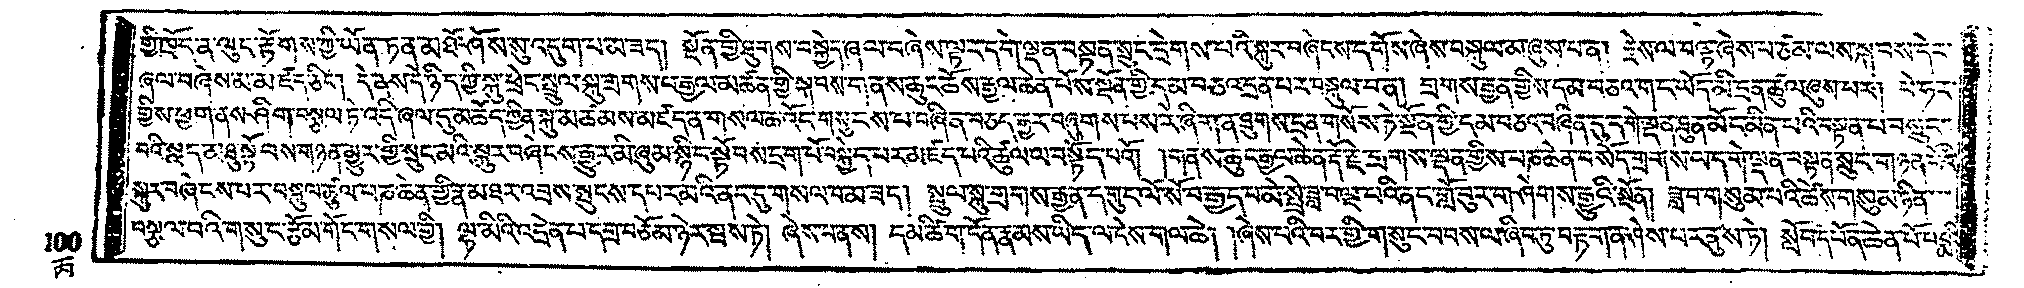གྱི་ཁྲོད་ན་ལུང་རྟོགས་ཀྱི་ཡོན་ཏན་མཐོ་ཤོས་སུ་འདུག་པ་མ་ཟད། སྔོན་གྱི་ཐུགས་བསྐྱེད་ཞལ་བཞེས་ལྟར་དགེ་ལྡན་བསྟན་སྲུང་དྲེགས་པའི་སྐུར་བཞེངས་དགོས་ཞེས་བསྐུལ་མ་ཞུས་པ་ན། རྗེས་ལ་བལྟ་ཞེས་པ་ཙམ་ལས་སྐབས་དེར་
ཞལ་བཞེས་མ་མཛད་ཅིང་། དེ་ནས་དེ་ཉིད་ཀྱི་སྐུ་ཕྲེང་སྤྲུལ་སྐུ་གྲགས་པ་རྒྱལ་མཚན་གྱི་སྐབས་གནས་ཆུང་ཆོས་རྒྱལ་ཆེན་པོས་སྔོན་གྱི་དམ་བཅའ་དྲན་པར་བསྐུལ་བ་ན། གྲགས་རྒྱན་གྱིས་དམ་བཅའ་གང་ཡོད་མི་དྲན་ཚུལ་ཞུས་པར། པེ་ཧར་
གྱིས་ཕྱག་ནས་ཤིག་བསྩལ་ཏེ་འདི་ཞལ་དུ་མཆོད་ཀྱིན་སྐུ་མཚམས་མཛད་ན་གསལ་ཆ་འོང་གསུངས་པ་བཞིན་བཅད་རྒྱར་བཞུགས་པས་རེ་ཞིག་ན་ཐུགས་དྲན་གསོས་ཏེ་སྔོན་གྱི་དམ་བཅའ་བཞིན་དུ་དགེ་ལྡན་ཐུན་མོང་མིན་པའི་བསྟན་པ་བསྲུང་
བའི་སླད་མཐུ་སྟོབས་གཉན་མྱུར་གྱི་སྲུང་མའི་སྐུར་བཞེངས་རྒྱུར་མི་ཞུམ་སྙིང་སྟོབས་དྲག་པོ་བསྐྱེད་པར་མཛད་པའི་ཚུལ་ལ་བསྟོད་པའོ། །གནས་ཆུང་རྒྱལ་ཆེན་རྡོ་རྗེ་གྲགས་ལྡན་གྱིས་པཎ་ཆེན་བསོད་གྲགས་ལ་དགེ་ལྡན་བསྟན་སྲུང་གཉན་པོའི་
སྐུར་བཞེངས་པར་བསྐུལ་ཚུལ་པཎ་ཆེན་གྱི་རྣམ་ཐར་འབྲས་སྤུངས་དཔར་མའི་ནང་དུ་གསལ་བ་མ་ཟད། སྤྲུལ་སྐུ་གྲགས་རྒྱན་དགུང་ལོ་སོ་བརྒྱད་པ་མེ་སྤྲེ་ཟླ་བ་ལྔ་པའི་ནང་གློ་བུར་གཤེགས་རྒྱུའི་སྔོན། ཟླ་བ་གསུམ་པའི་ཚེས་གསུམ་ཉིན་
བསྩལ་བའི་གསུང་རྩོམ་གོང་གསལ་གྱི། ལྷ་མིའི་འདྲེན་པ་དགྲ་བཅོམ་ཉེར་སྦས་ཏེ། ཞེས་པ་ནས། དམ་ཚིག་དོན་རྣམས་ཡིད་ལ་ངེས་གལ་ཆེ། །ཞེས་པའི་བར་གྱི་གསུང་བབས་ལ་ཞིབ་ཏུ་བརྟག་ན་ཤེས་པར་ནུས་ཏེ། སློབ་དཔོན་ཆེན་པོ་པདམའི་